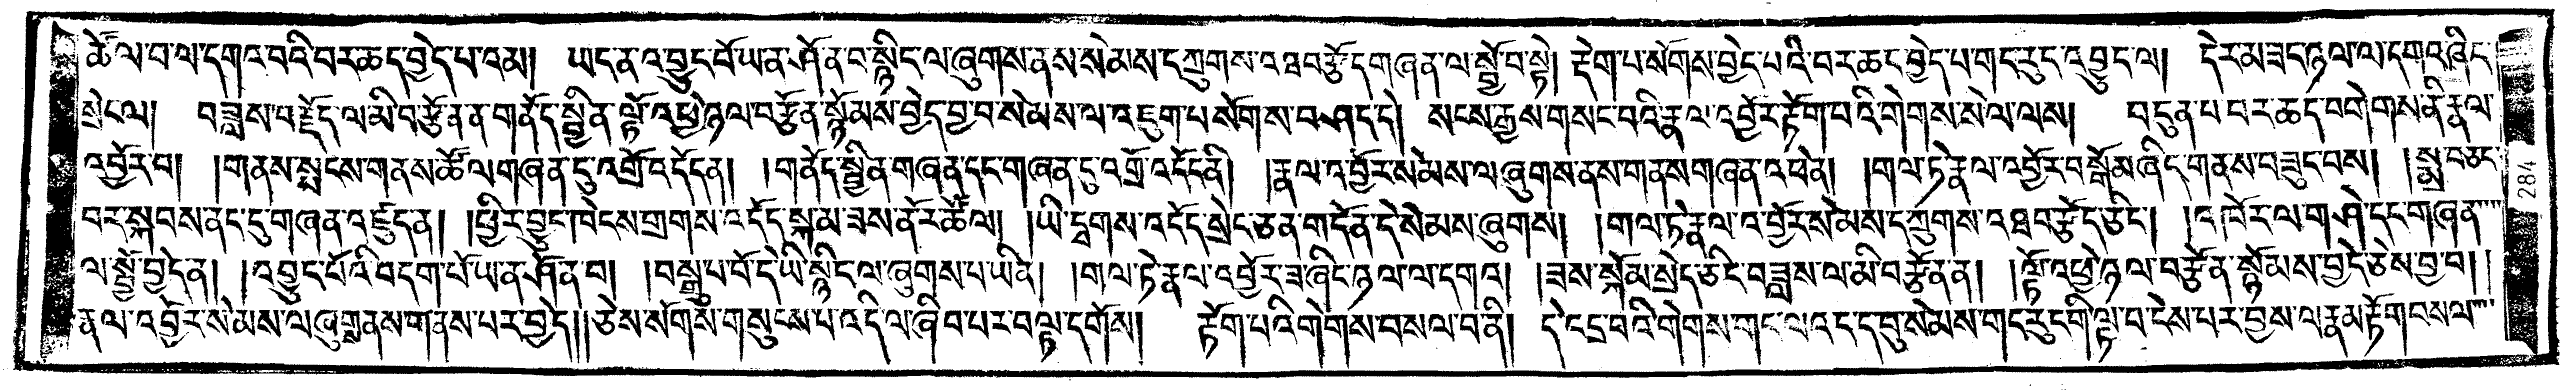ཚོལ་བ་ལ་དགའ་བའི་བར་ཆད་བྱེད་པ་འམ། ཡང་ན་འབྱུང་པོ་ཡན་ཤོ་ན་བ་སྙིང་ལ་ཞུགས་ནས་སེམས་དཀྲུགས་འཐབ་རྩོད་གཞན་ལ་སྦྱོ་བ་སྟེ། རྡེག་པ་སོགས་བྱེད་པའི་བར་ཆད་བྱེད་པ་གང་རུང་འབྱུང་ལ། དེར་མ་ཟད་ཉལ་ལ་དགའ་ཞིང་
སྲེད་ལ། བཟླས་བརྗོད་ལ་མི་བརྩོན་ན་གནོད་སྦྱིན་ལྟོ་འཕྱེ་ཉལ་བརྩོན་སྙོམས་བྱེད་བྱ་བ་སེམས་ལ་འཇུག་པ་སོགས་བཤད་དེ། སངས་རྒྱས་གསང་བའི་རྣལ་འབྱོར་རྟོག་པའི་གེགས་སེལ་ལས། བདུན་པ་བར་ཆད་བགེགས་ནི་རྣལ་
འབྱོར་བ། །གནས་སྤངས་གནས་ཚོལ་གཞན་དུ་འགྲོ་འདོད་ན། །གནོད་སྦྱིན་གཞན་དང་གཞན་དུ་འགྲོ་འདོད་ནི། །རྣལ་འབྱོར་སེམས་ལ་ཞུགས་ནས་གནས་གཞན་འཕེན། །གལ་ཏེ་རྣལ་འབྱོར་བསྒོམ་ཞིང་གནས་བཟུང་བས། །སྨྲ་བཅད་
བར་སྐབས་ནང་དུ་གཞན་འཛུད་ན། །ཕྱིར་བྱུང་ཁེངས་གྲགས་འདོད་སྐམ་ཟས་ནོར་ཚོལ། །ཡི་དྭགས་འདོད་སྲེད་ཅན་གདོན་དེ་སེམས་ཞུགས། །གལ་ཏེ་རྣལ་འབྱོར་སེམས་དཀྲུགས་འཐབ་རྩོད་ཅིང་། །འཁོར་ལ་གཤེ་དང་གཞན་
ལ་སྤྱོ་བྱེད་ན། །འབྱུང་པོའི་བདག་པོ་ཡ་ན་ཤོན་བ། །བསྒྲུབ་པོ་དེ་ཡི་སྙིང་ལ་ཞུགས་པ་ཡིན། །གལ་ཏེ་རྣལ་འབྱོར་ཟ་ཞིང་ཉལ་ལ་དགའ། །ཟས་སྐོམ་སྲེད་ཅིང་བཟླས་ལ་མི་བརྩོན་ན། །ལྟོ་འཕྱེ་ཉལ་བརྩོན་སྙོམས་བྱེད་ཅེས་བྱ་བ།།
རྣལ་འབྱོར་སེམས་ལ་ཞུགས་ནས་གནས་པར་བྱེད། །ཅེས་སོགས་གསུངས་པ་འདི་ལ་ཞིབ་པར་བལྟ་དགོས། རྟོག་པའི་གེགས་བསལ་བ་ནི། དེ་འདྲ་བའི་གེགས་གང་ལའང་དབུ་སེམས་གང་རུང་གི་ལྟ་བ་ངེས་པར་བྱས་ལ་རྣམ་རྟོག་བསལ་